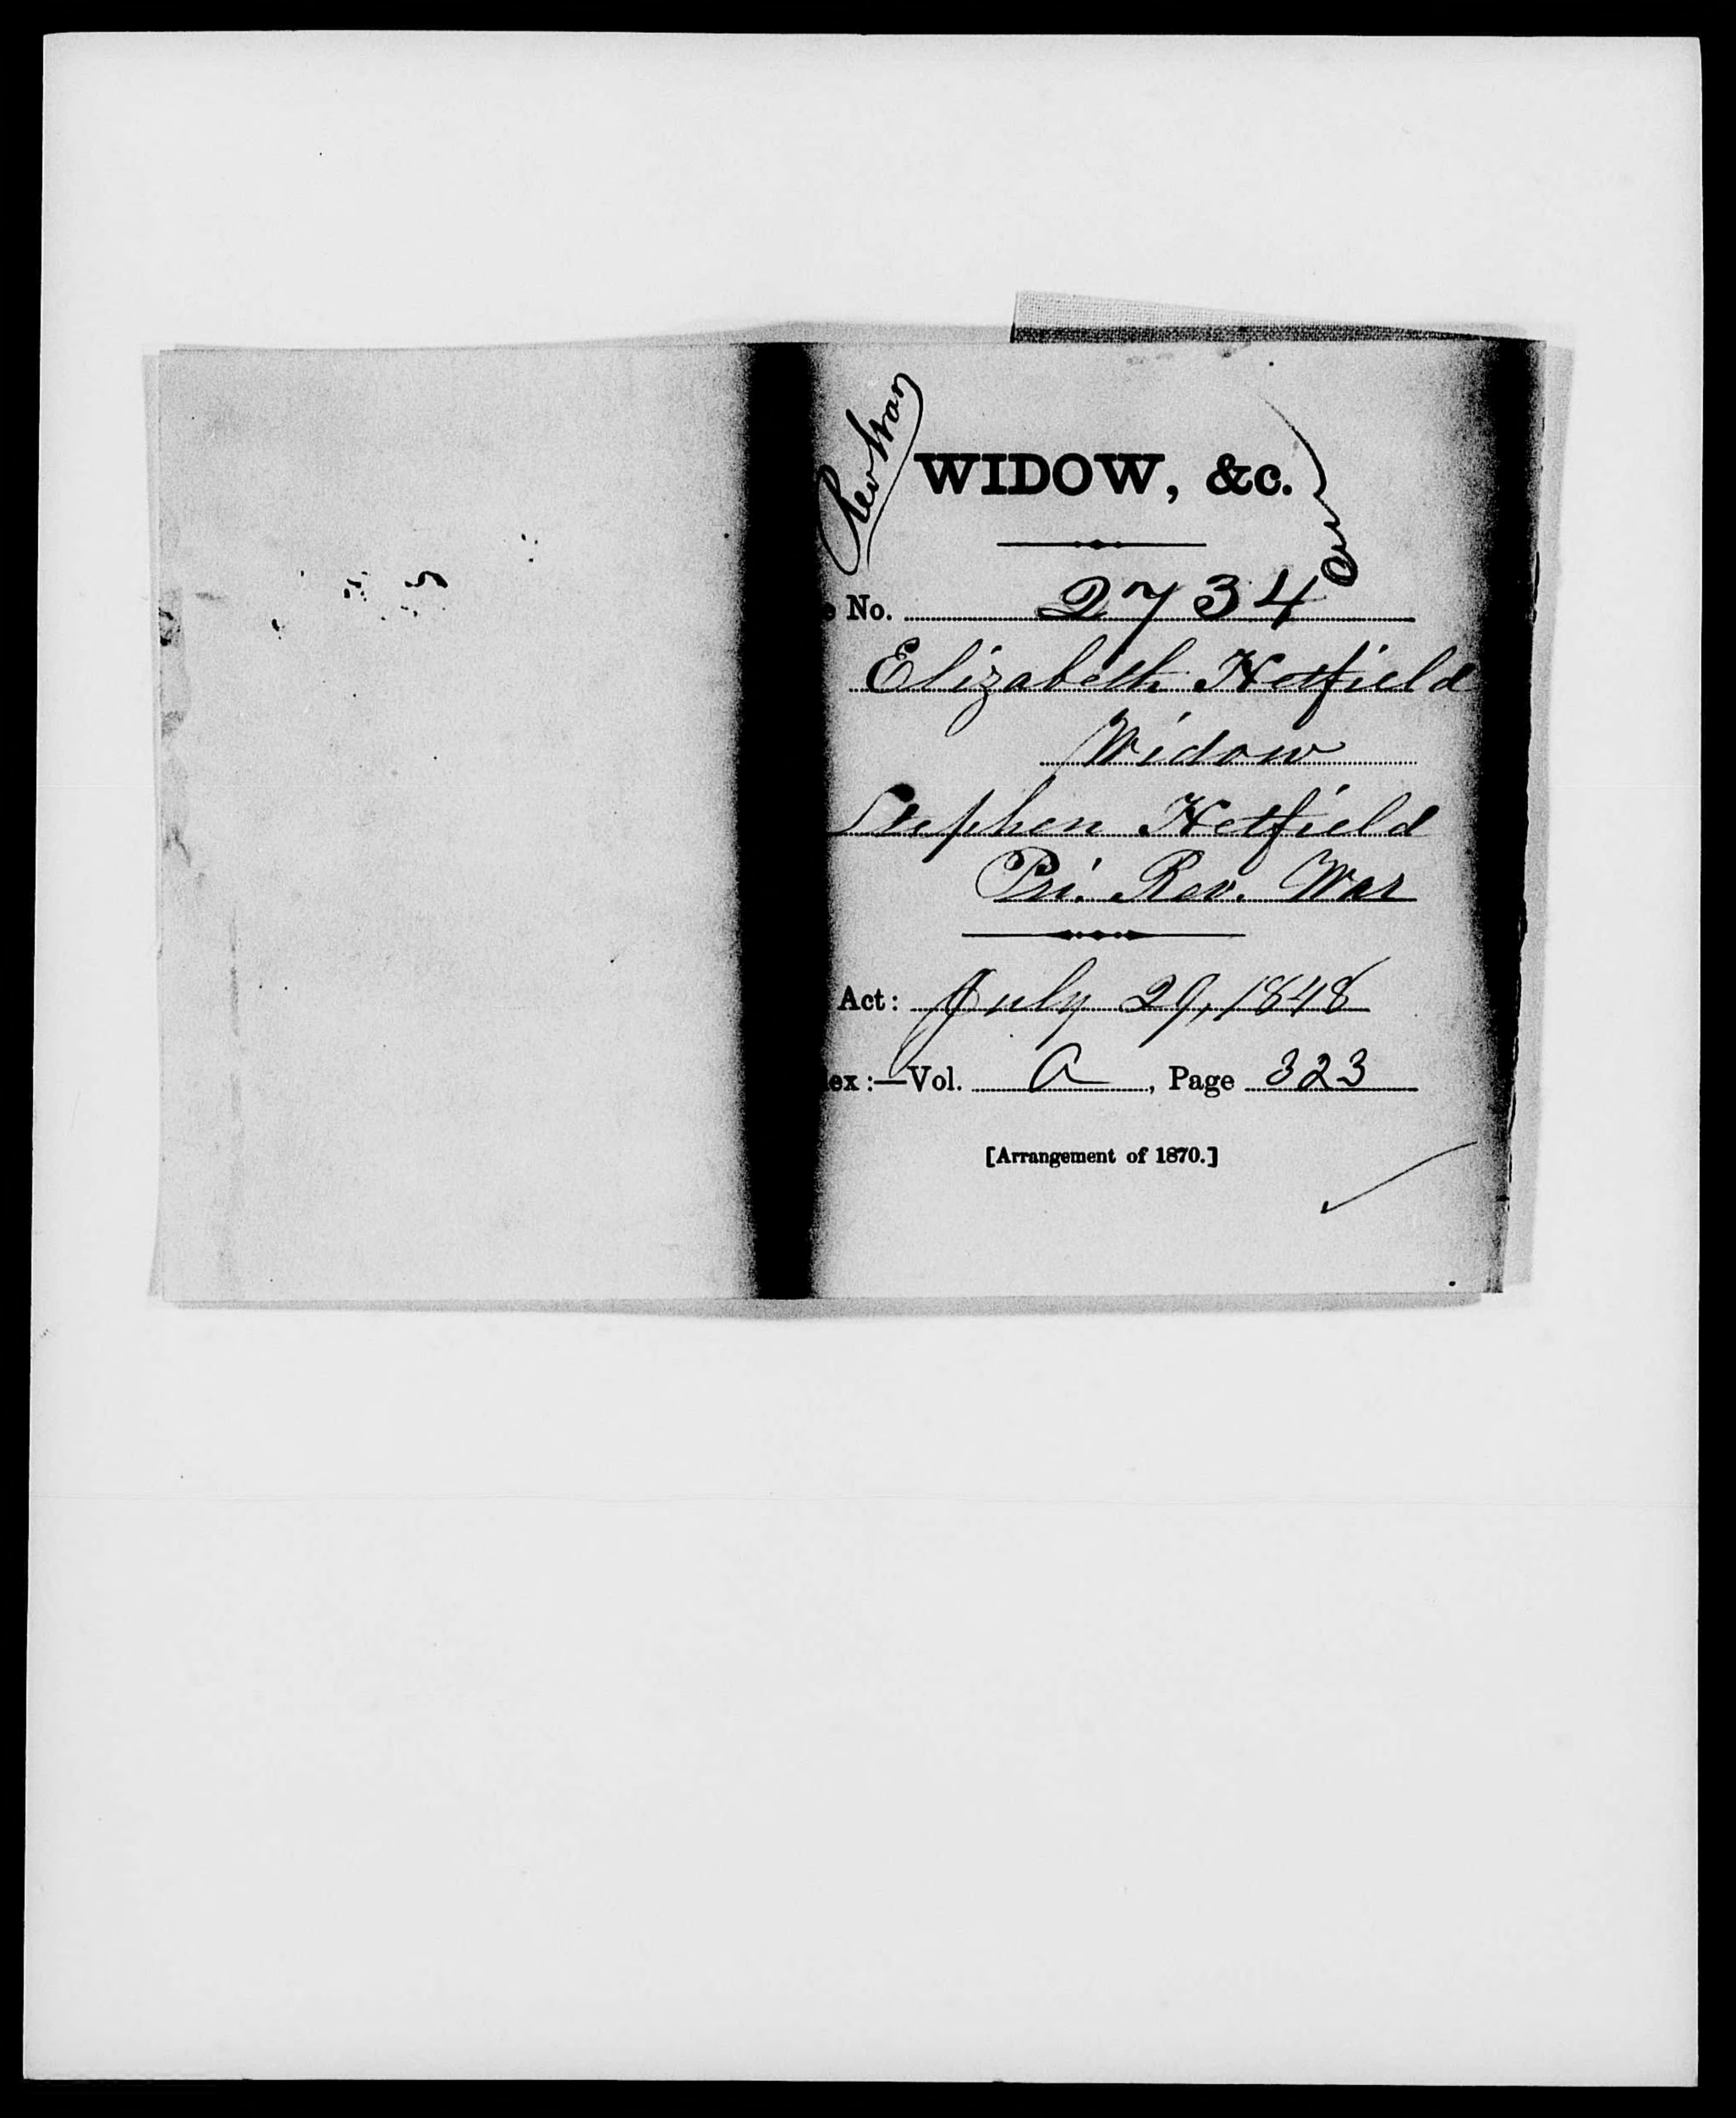Revtion Widow, &c. [printed] [?] ur

No 2734
Elizabeth Hetfield
Widow
Stephen Hetfield
Pri. Rev. War
Act: July 29, 1848

ex: - Vol. A,  Page 323

[Arrangement of 1870]

[a written checkmark is at bottom of page]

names: Stephen Hetfield, Elizabeth Hetfield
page: 23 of 45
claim: widow's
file: W. 2734, Stephen Hetfield, New Jersey